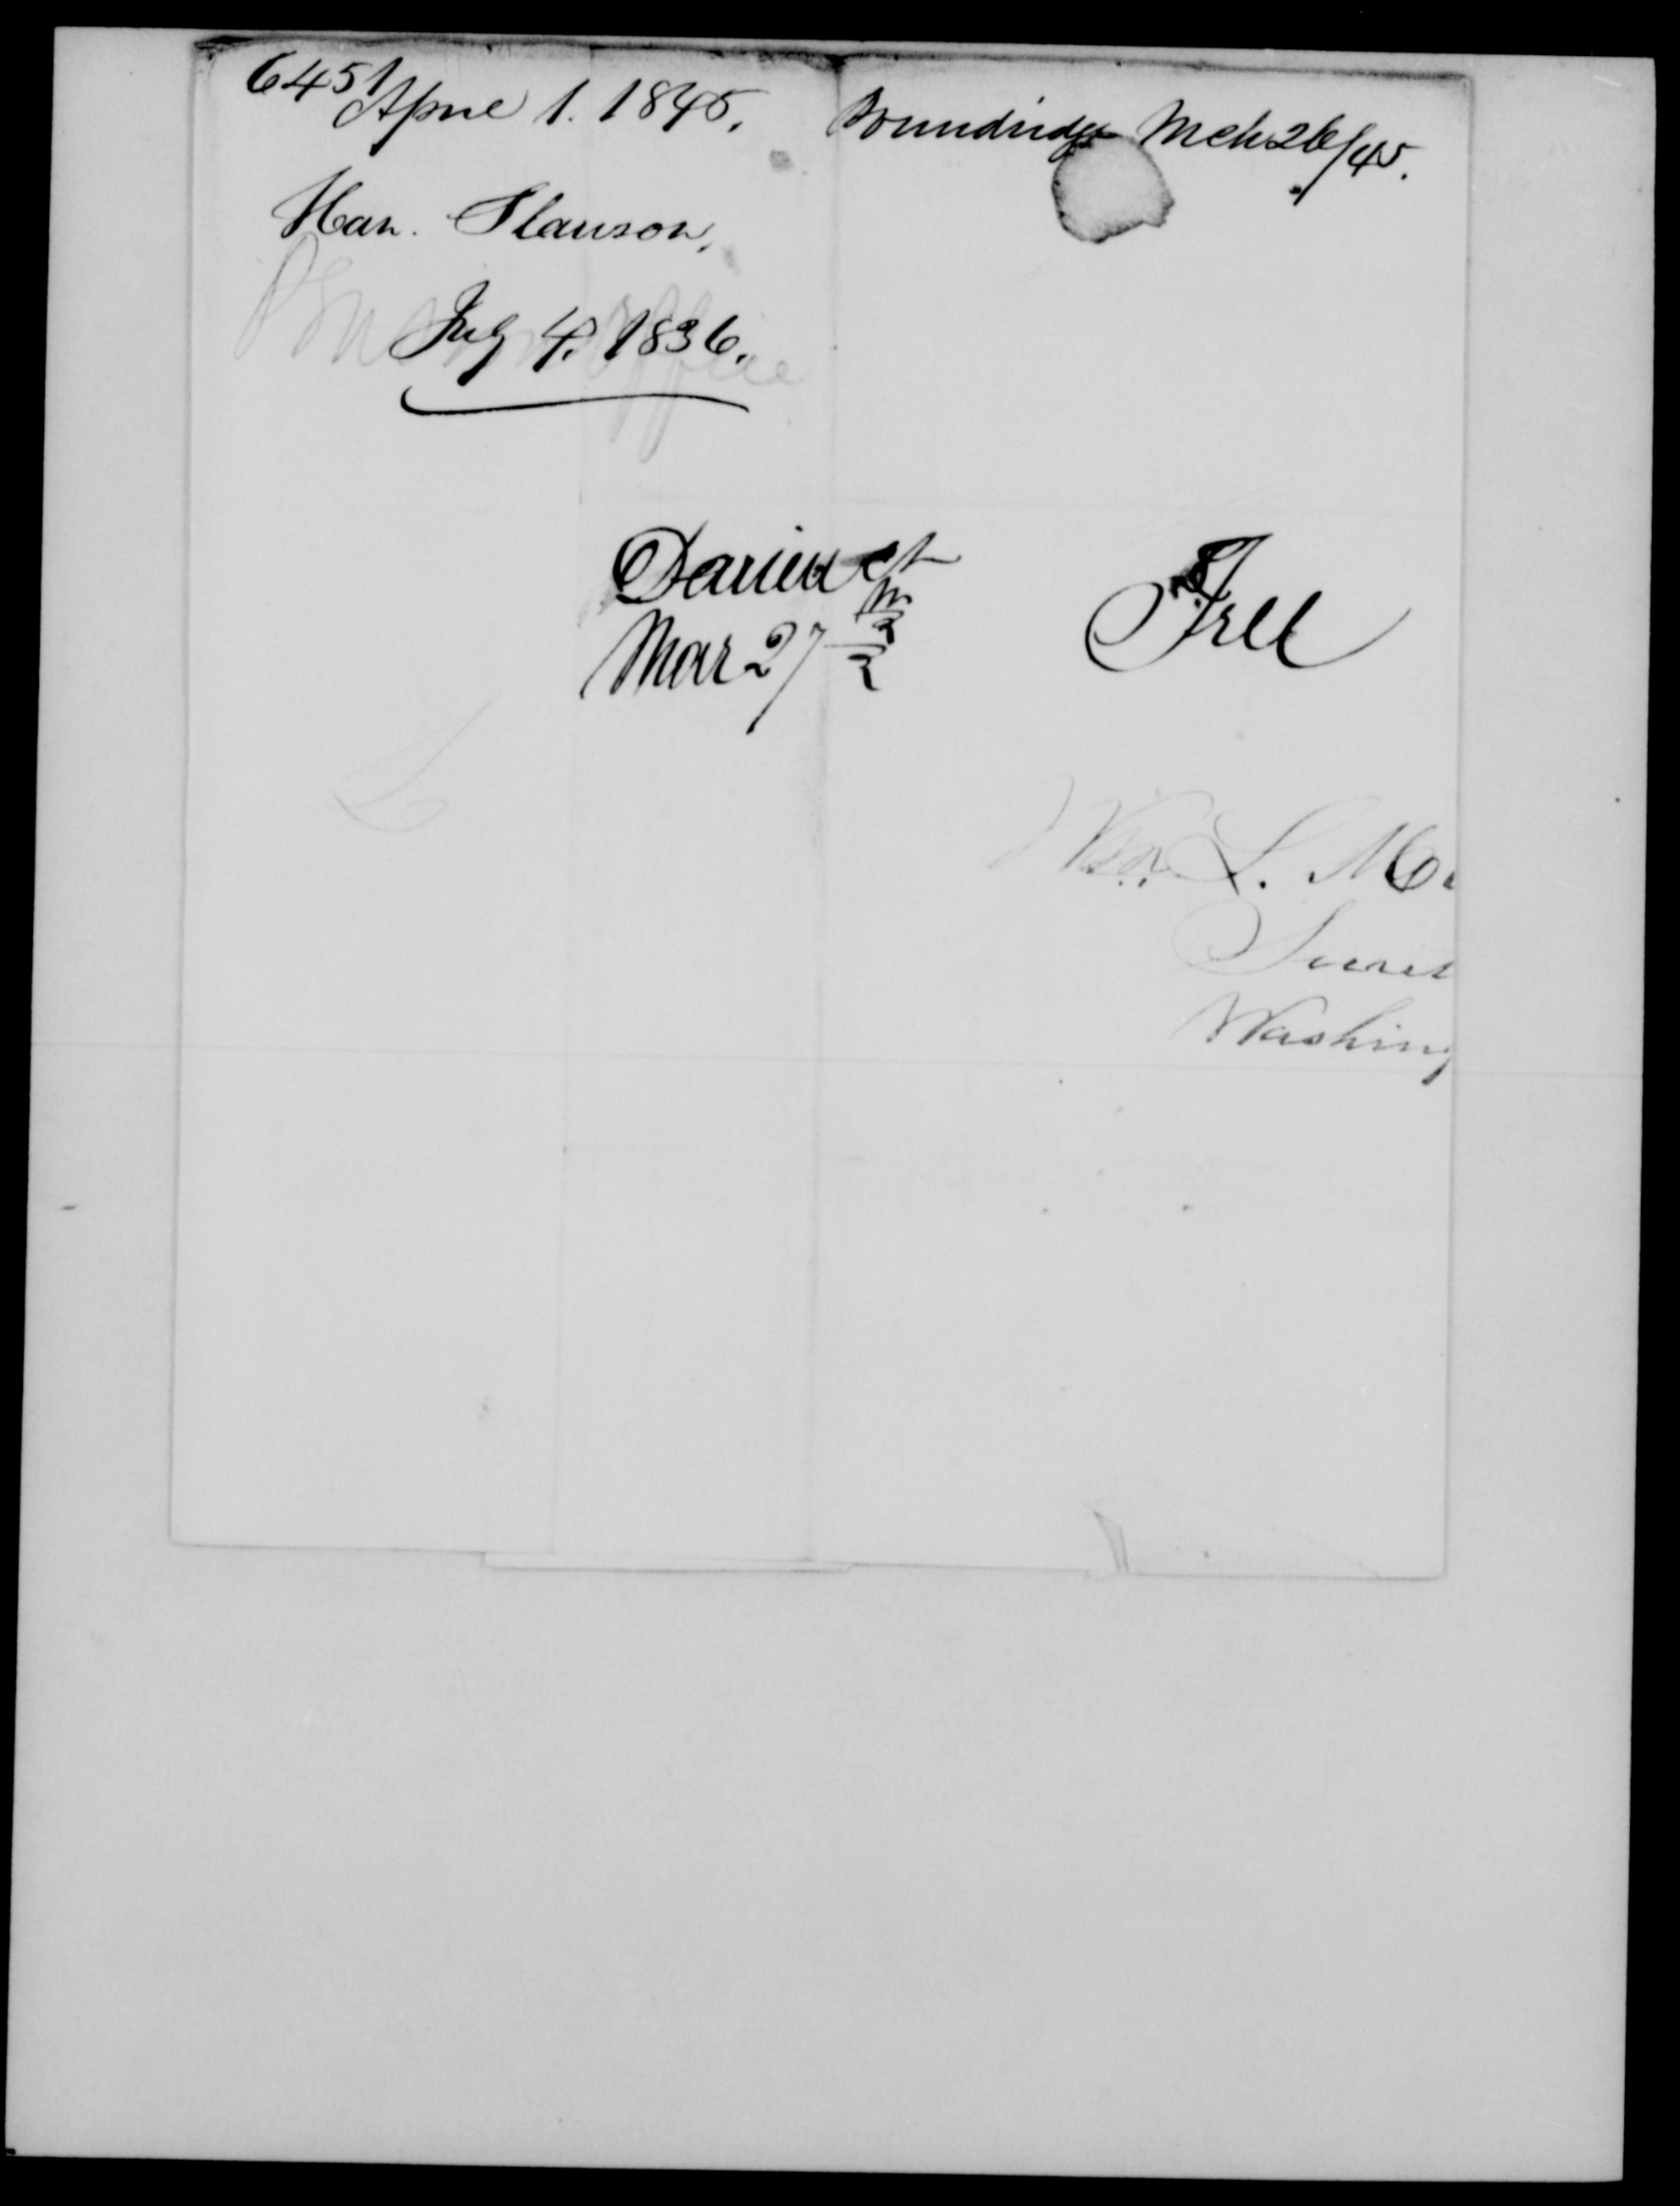645  April 1 1845  Poundridge Mch 26/45
Han. Slawson
Pension Office
July 4 1836
[unreadable]
March 27
Free
Wm. L. M.C. 
Senate
Washington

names: [BLANK] Slawson; W L [ILLEGIBLE]; [BLANK] Darien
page: 73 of 87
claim: widow's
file: W. 22,226, for Nathan Slawson, Connecticut